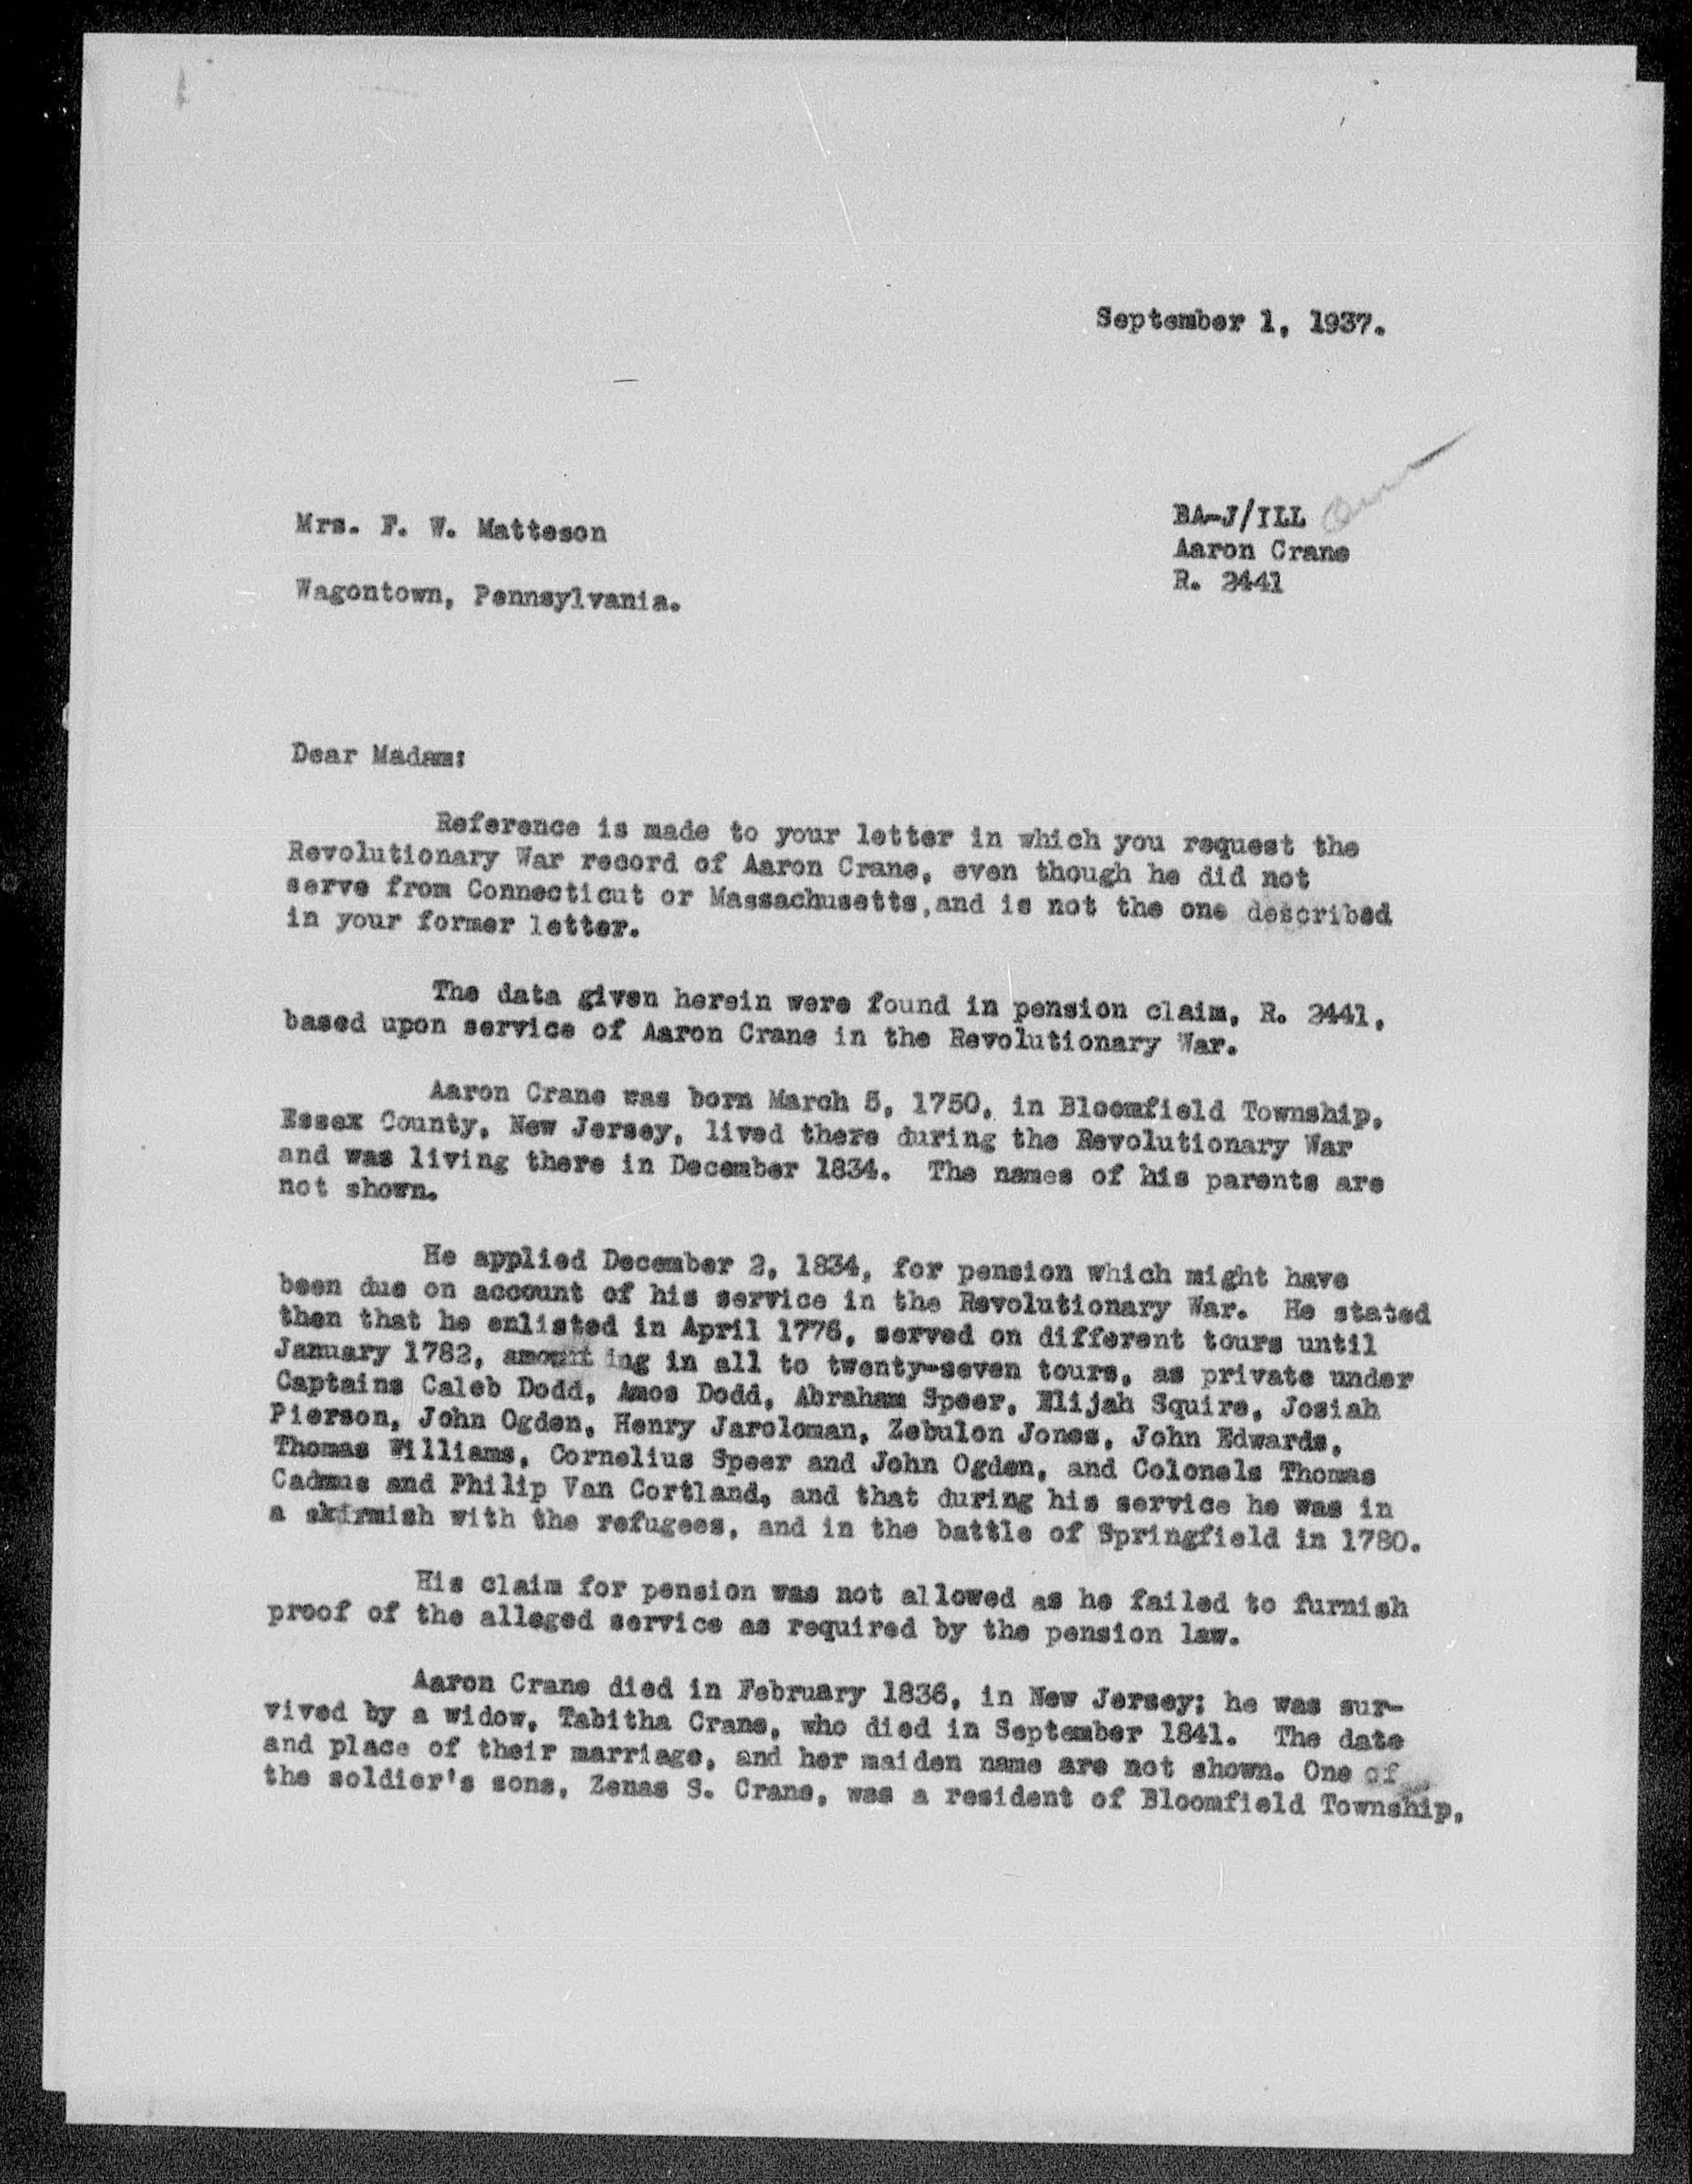.                                                                                                                                         September 1, 1937.


                                                                                            BA - J/ILL  
Mrs. F. W. Matterson                                                   Aaron Crane
                                                                                            R. 2441
Wagontown, Pennsylvania


Dear Madam:


Reference is made to your letter in which you rquest hte 
Revolutionary War record, even though he did not
serve from Connecticut of Massachusetts, and is not the one described
in your former letter.

The data given herein were found in pension claim, R. 2441, 
based upon service of Aaron Crane in the Revolutionary War.

Aaron Crane was born March 5, 1750, in Bloomfield Township,
Essex County, New Jersey, lived there during the Revolutionary War
and was living there in December 1834.  The names of his parents are
not shown.

He applied December 2, 1834, for pension, might have
been due on account of his service in the Revolutionary War.  He stated
then that he enlisted in April 1776, served on different tours until
January 1782, amounting in all of twenty - seven tours, as private under
Captains Caleb Dodd, Amos dodd, Abraham Speer, Elijah Squire, Josiah 
Pierson, John Ogden, Henry Jaroloman, Zebulon Jones, John Edwards,
Thomas Williams, Cornelius Speer and John Ogden, and Colonels Thomas
Cadmus and Philip Van Cortland, and that during his service he was in
a skirmish with the refugees, and in the battle of Springfield in 1780.

His claim for pensin was not allowed as he failed to furnish
proof of the alleged service as required as required by the pension law.

Aaron Crane died in February 1836, in New Jersey; he was sur - 
vived by a widow, Tabitha Crane, who died in September 1841.  The date
and place of their marriage, and her maiden name are not shown.  One of
the soldier's sons, Zenas S. Craen, was a resident of Bloomfield Township.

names: Cornelius Speer, John Ogden, Thomas Cadmus, Philip Van Cortland, Aaron Crane, Aaron Crane, Josiah Pierson, Aaron Crane, Zenas S Crane, F W Matteson, Henry Jaroloman, Thomas Williams, John Ogden, Amos Dodd, Caleb Dodd, Abraham Speer, Elijah Squire, John Edwards, Tabitha Crane, Zebulon Jones, Aaron Crane, Aaron Crane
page: 11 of 32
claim: rejected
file: R. 2441, Aaron Crane, New Jersey